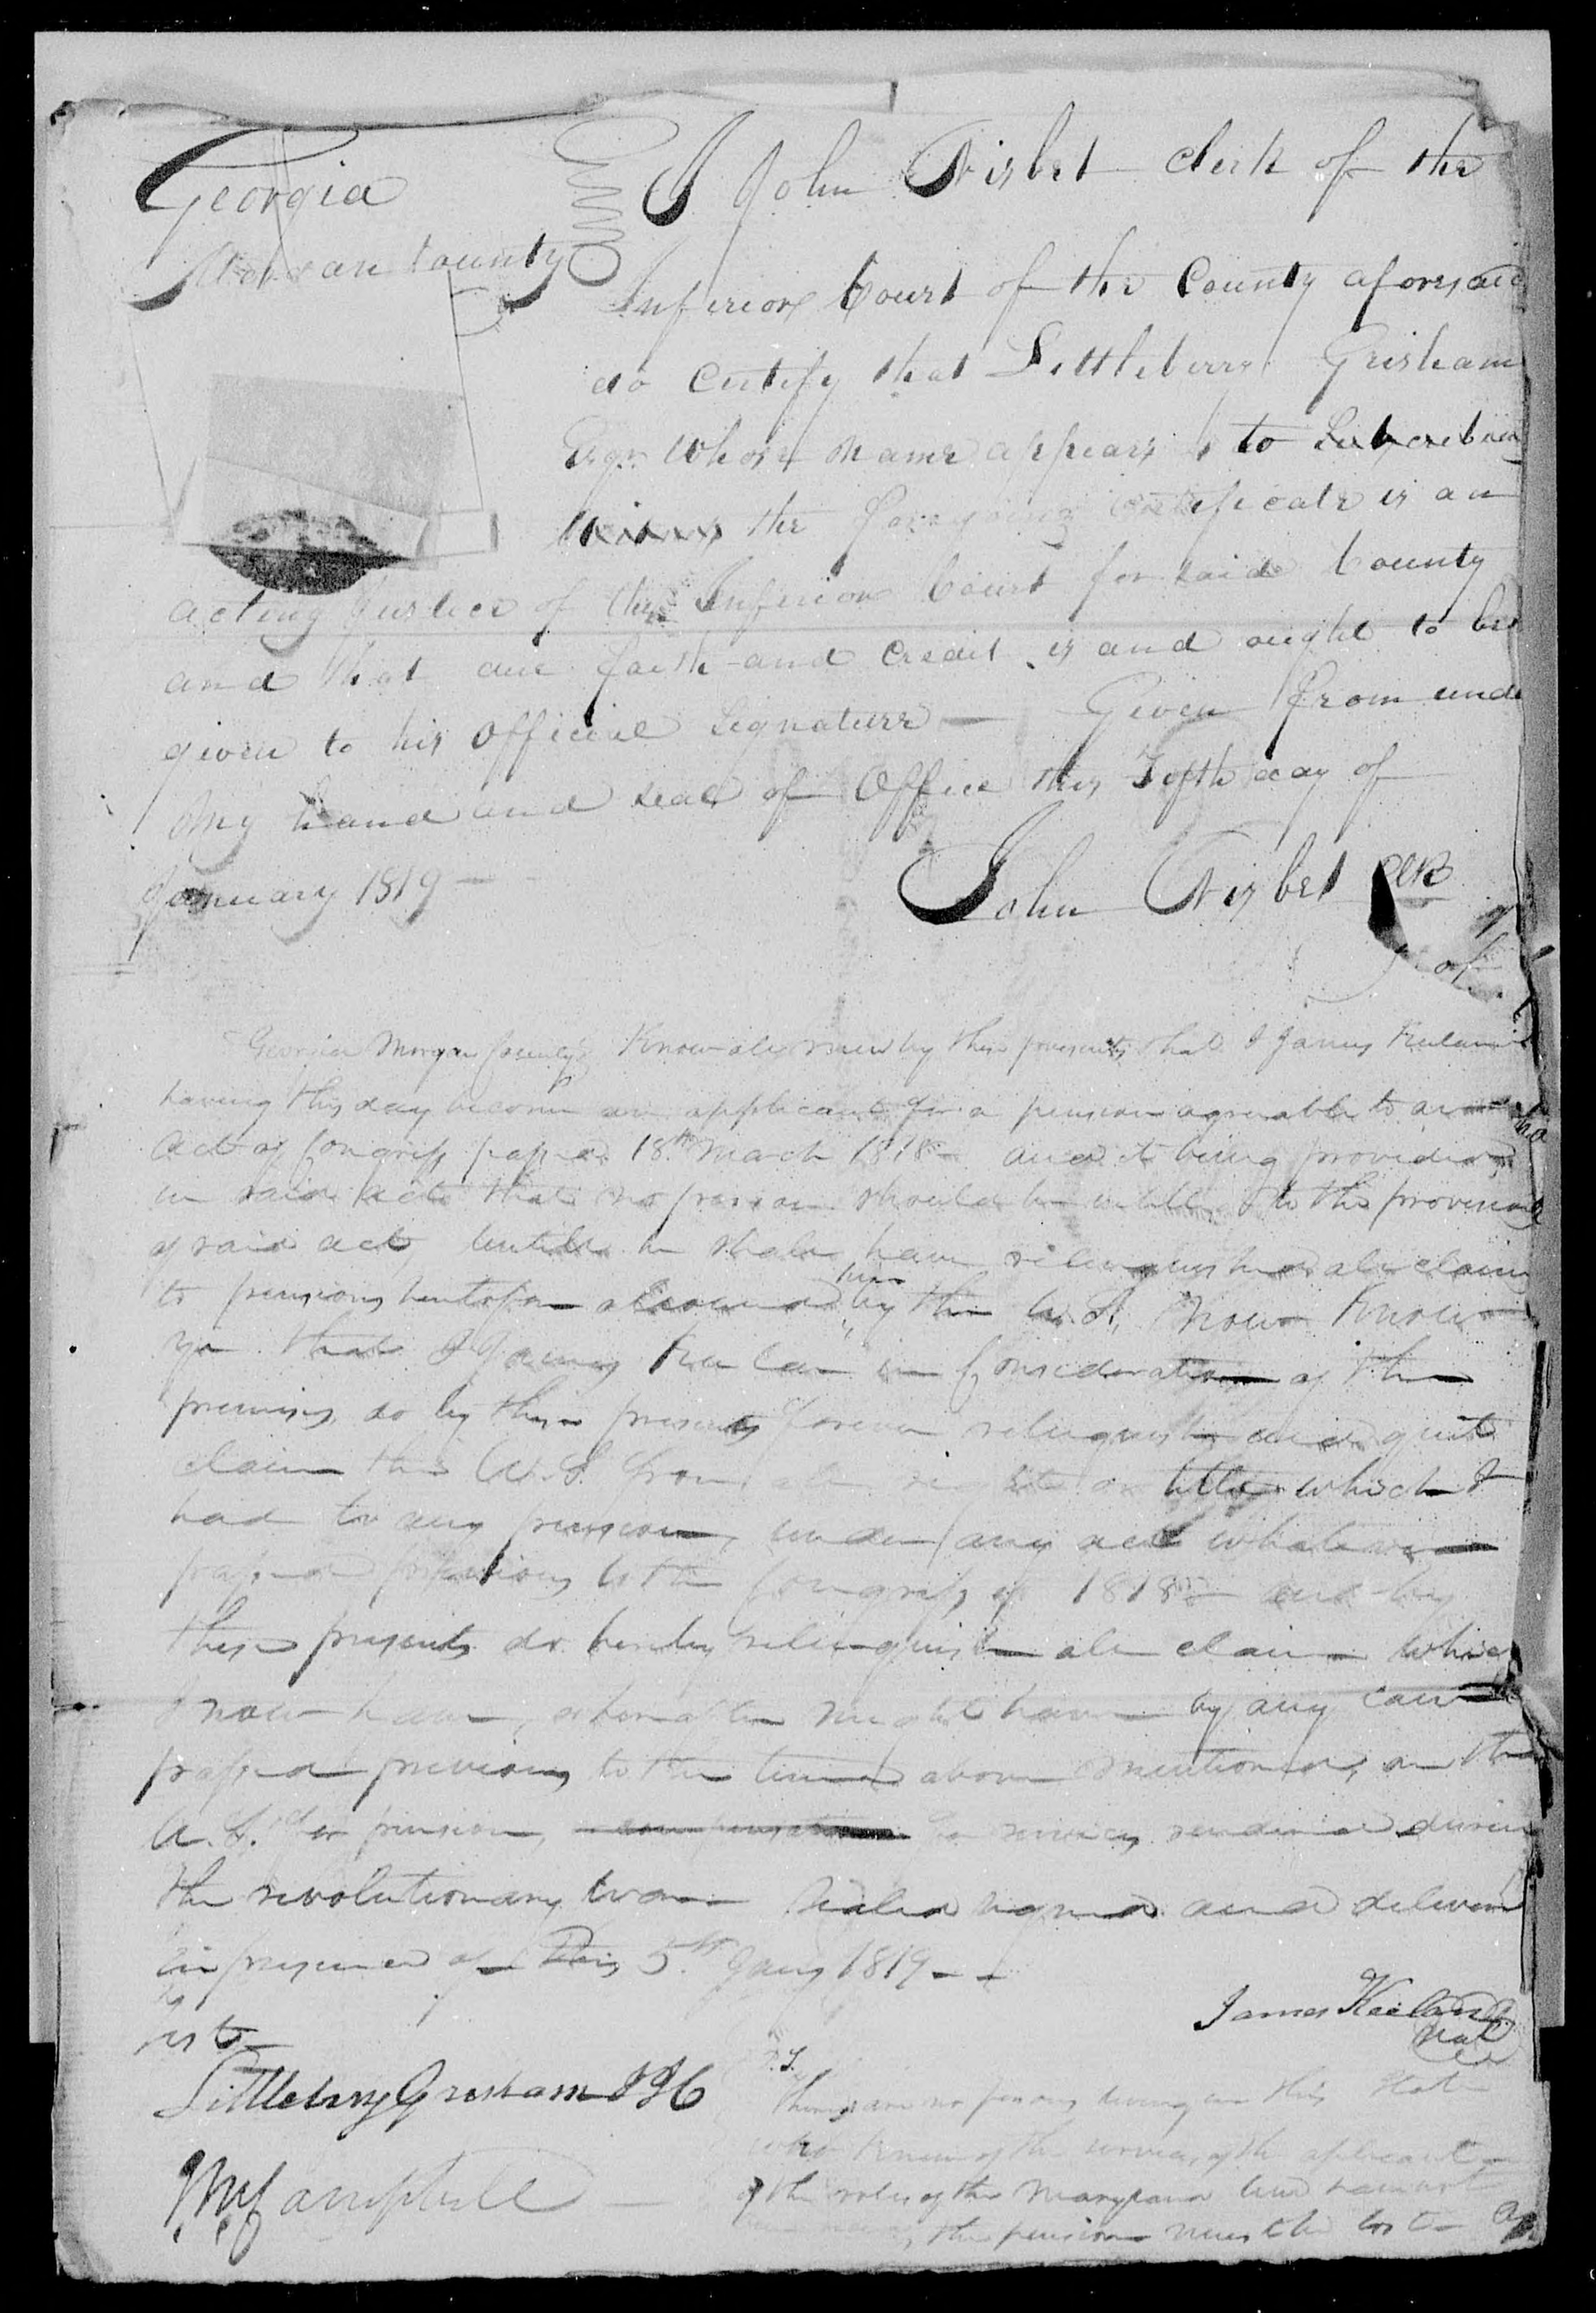Georgia
Morgan County
[Paper seal]
I John Nisbet Clerk of the
Superior Court of the County aforesaid
do certify that Littleberry Grisham
Esqr whose name appears to subcribing
the forgoing certificate is an
acting Justice of the Inferior Court for said County and that due faith and credit is and ought to be given to his official signature
Given from under my hand and seal of Office this Fifth day of January 1819
John Nisbet
 
Georgia Morgan County Know all men by these presents that I James Ruland having
this day become an applicant for a pension agreeable to an act of Congress passed 18th March 1818 and it being provided in said act that no person should be [illegible] to the provision said act untill he shall have relinquished all claim to pension heretofore also and by the U. S. Now know you
that I James Keelan in Consideration of the
premises, do by these presents forever relinquish and quit claim the W. S. from all right or title which I had to any pension under any act whatever [illegible] to the Congress of 1818 by this presents do hereby relinquish all claim which I now have [illegible] might have by any law passed previous to the time above mention on the A pension under the
revolutionary war healed hand and deliver
in presence of this 5th Jany 1819-
Littleberry Grisham
James Keelan [handwritten seal]
There are no persons living in this State
who knew of the [illegible] of the applicant
of the roles of the Maryland and have not [illegible]the pensions were the last [illegible]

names: Littleberry Grisham; James Keelan; John Nisbet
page: 9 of 16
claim: survivor's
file: S. 38110, for James Keelan, Maryland